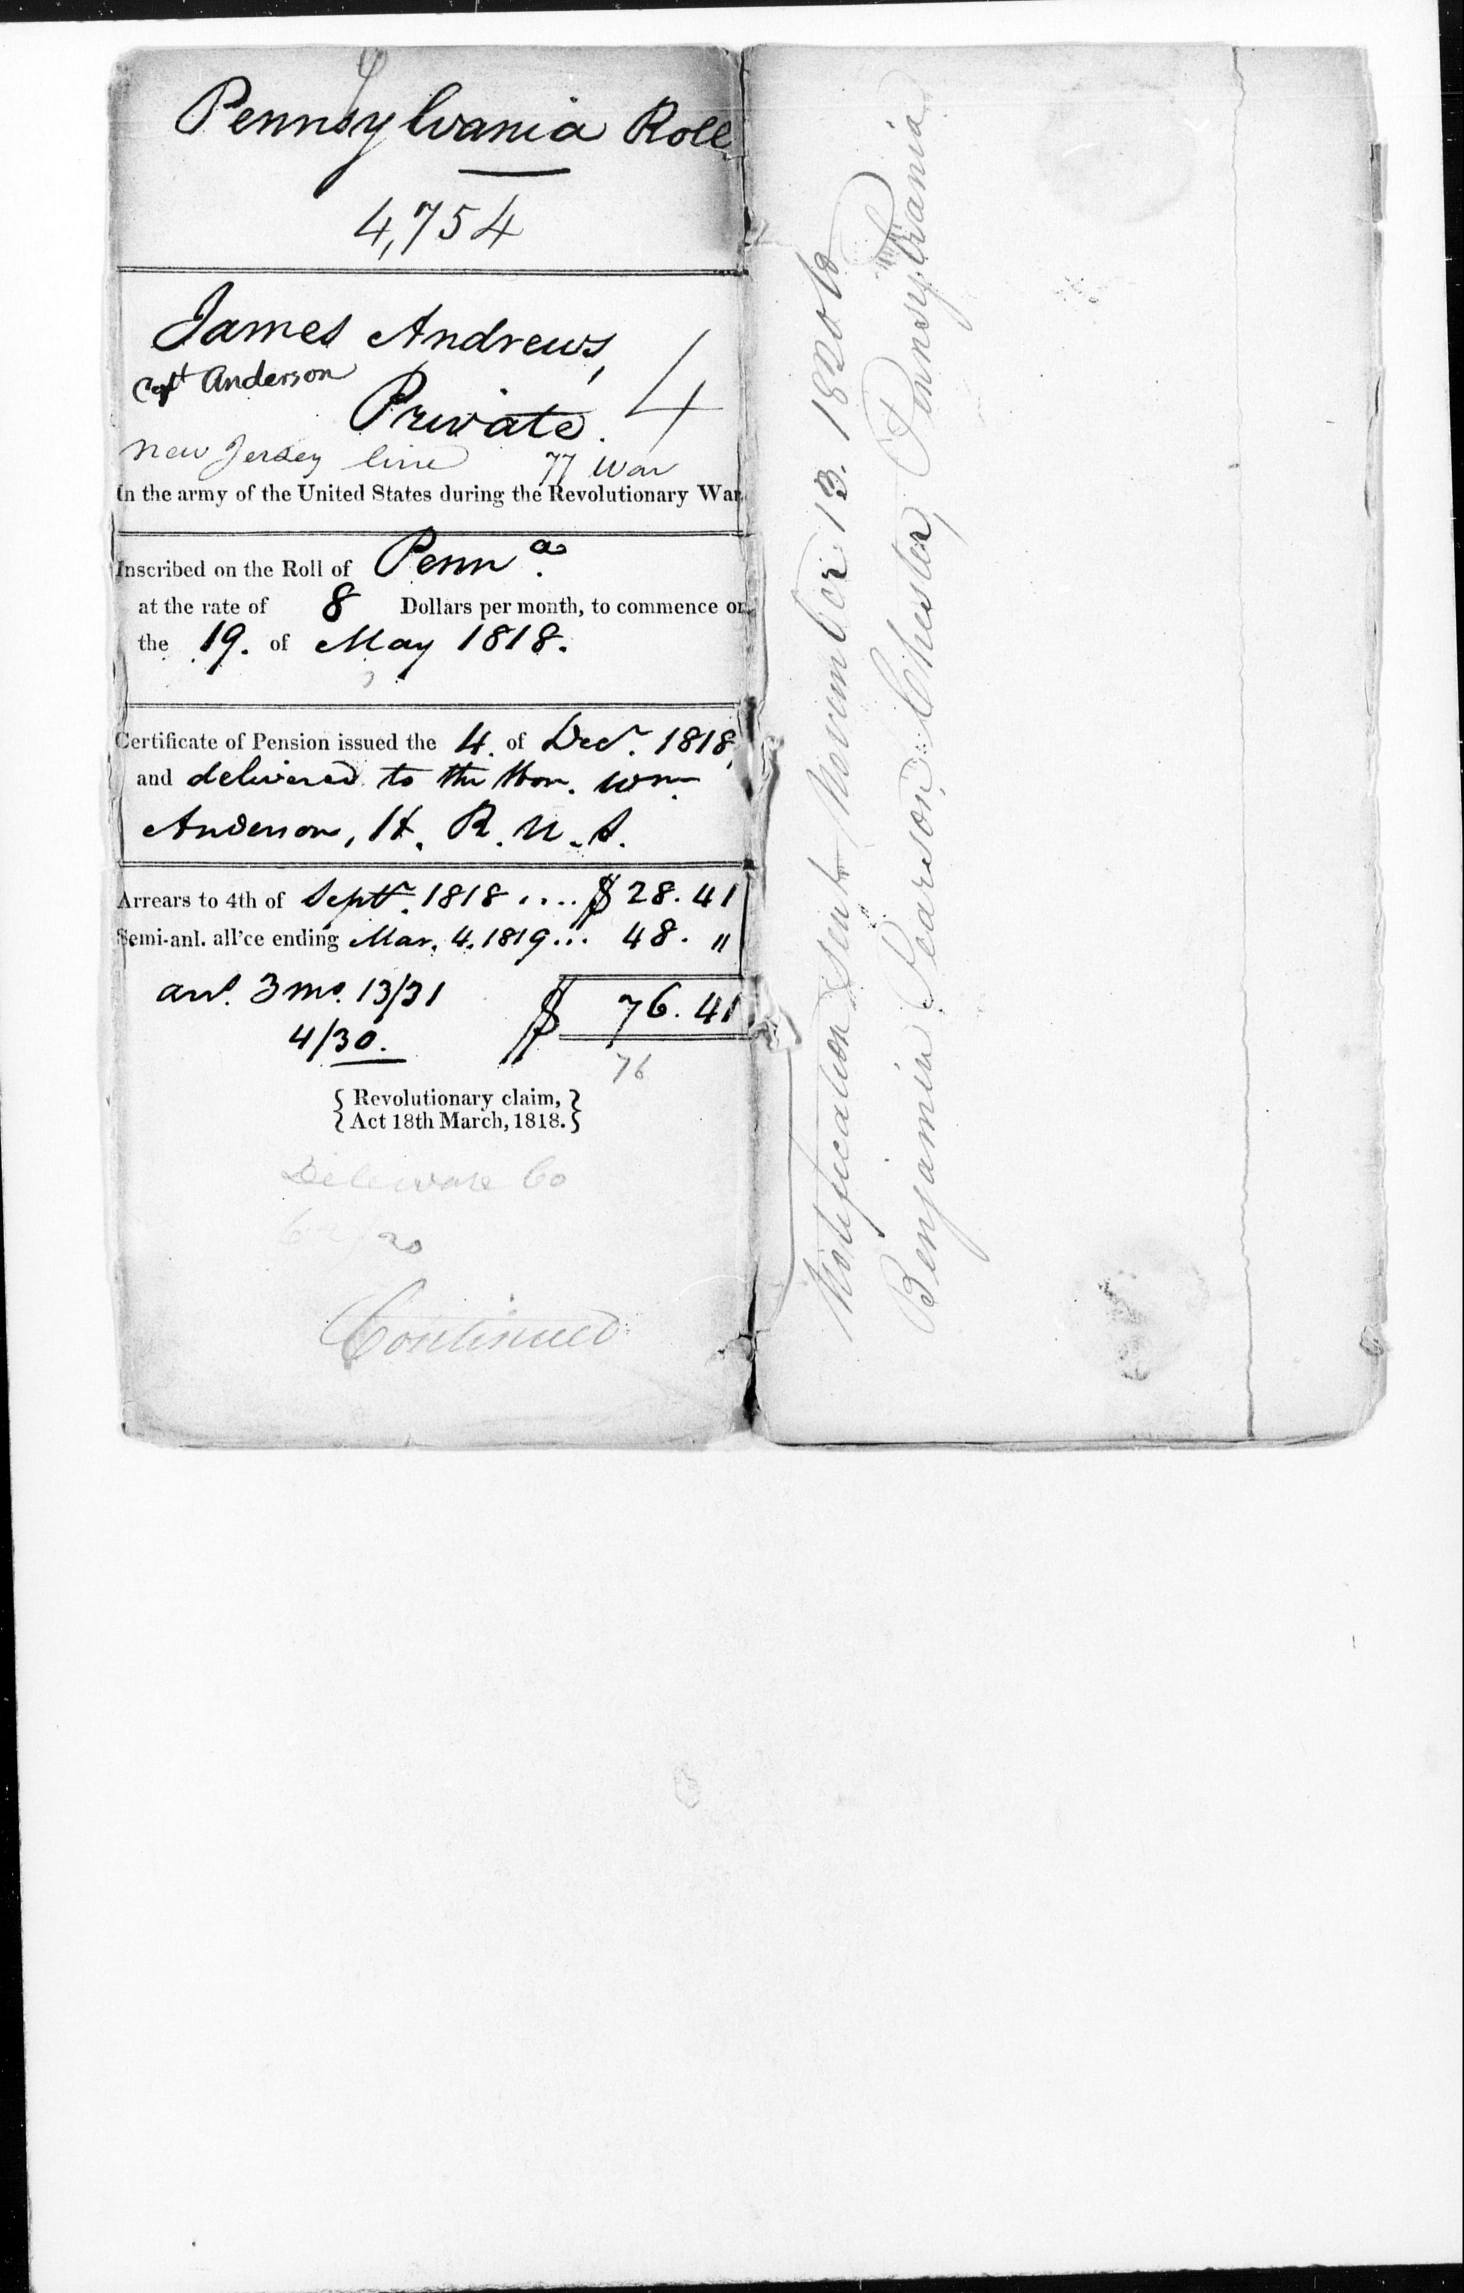Pennsylvania Roll
4,754


James Andrews,
Capt. Anderson   Private 4


New Jersey Line 77 war
in the Army of the United States during the Revolutionary War.

Inscribed on the roll Of Penn.
at the rate of 8 Dollars per month, to commence on the 19 of may 1818.

Certificate of pension issued the 4 of Dec. 1818,
and delivered to the Hon. Wm. Anderson, H.R.N.S.

Arrears to 4th of Sept. 1818..            28.41
Semi-anl. all'ce ending Mar. 4 1819  48.11
and 3 mos. 3/31                              ________
                                                           76.41
   Revolutionary claim Act 18th March , 1818.

light print
Delaware Co.  6 mos. Continued
Notification sent November 13, 1820 to
Benjamin Pearson, Chester Pennsylvania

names: Anderson, Wm Anderson, James Andrews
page: 2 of 9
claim: survivor's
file: S. 39934, James Andrews, New Jersey